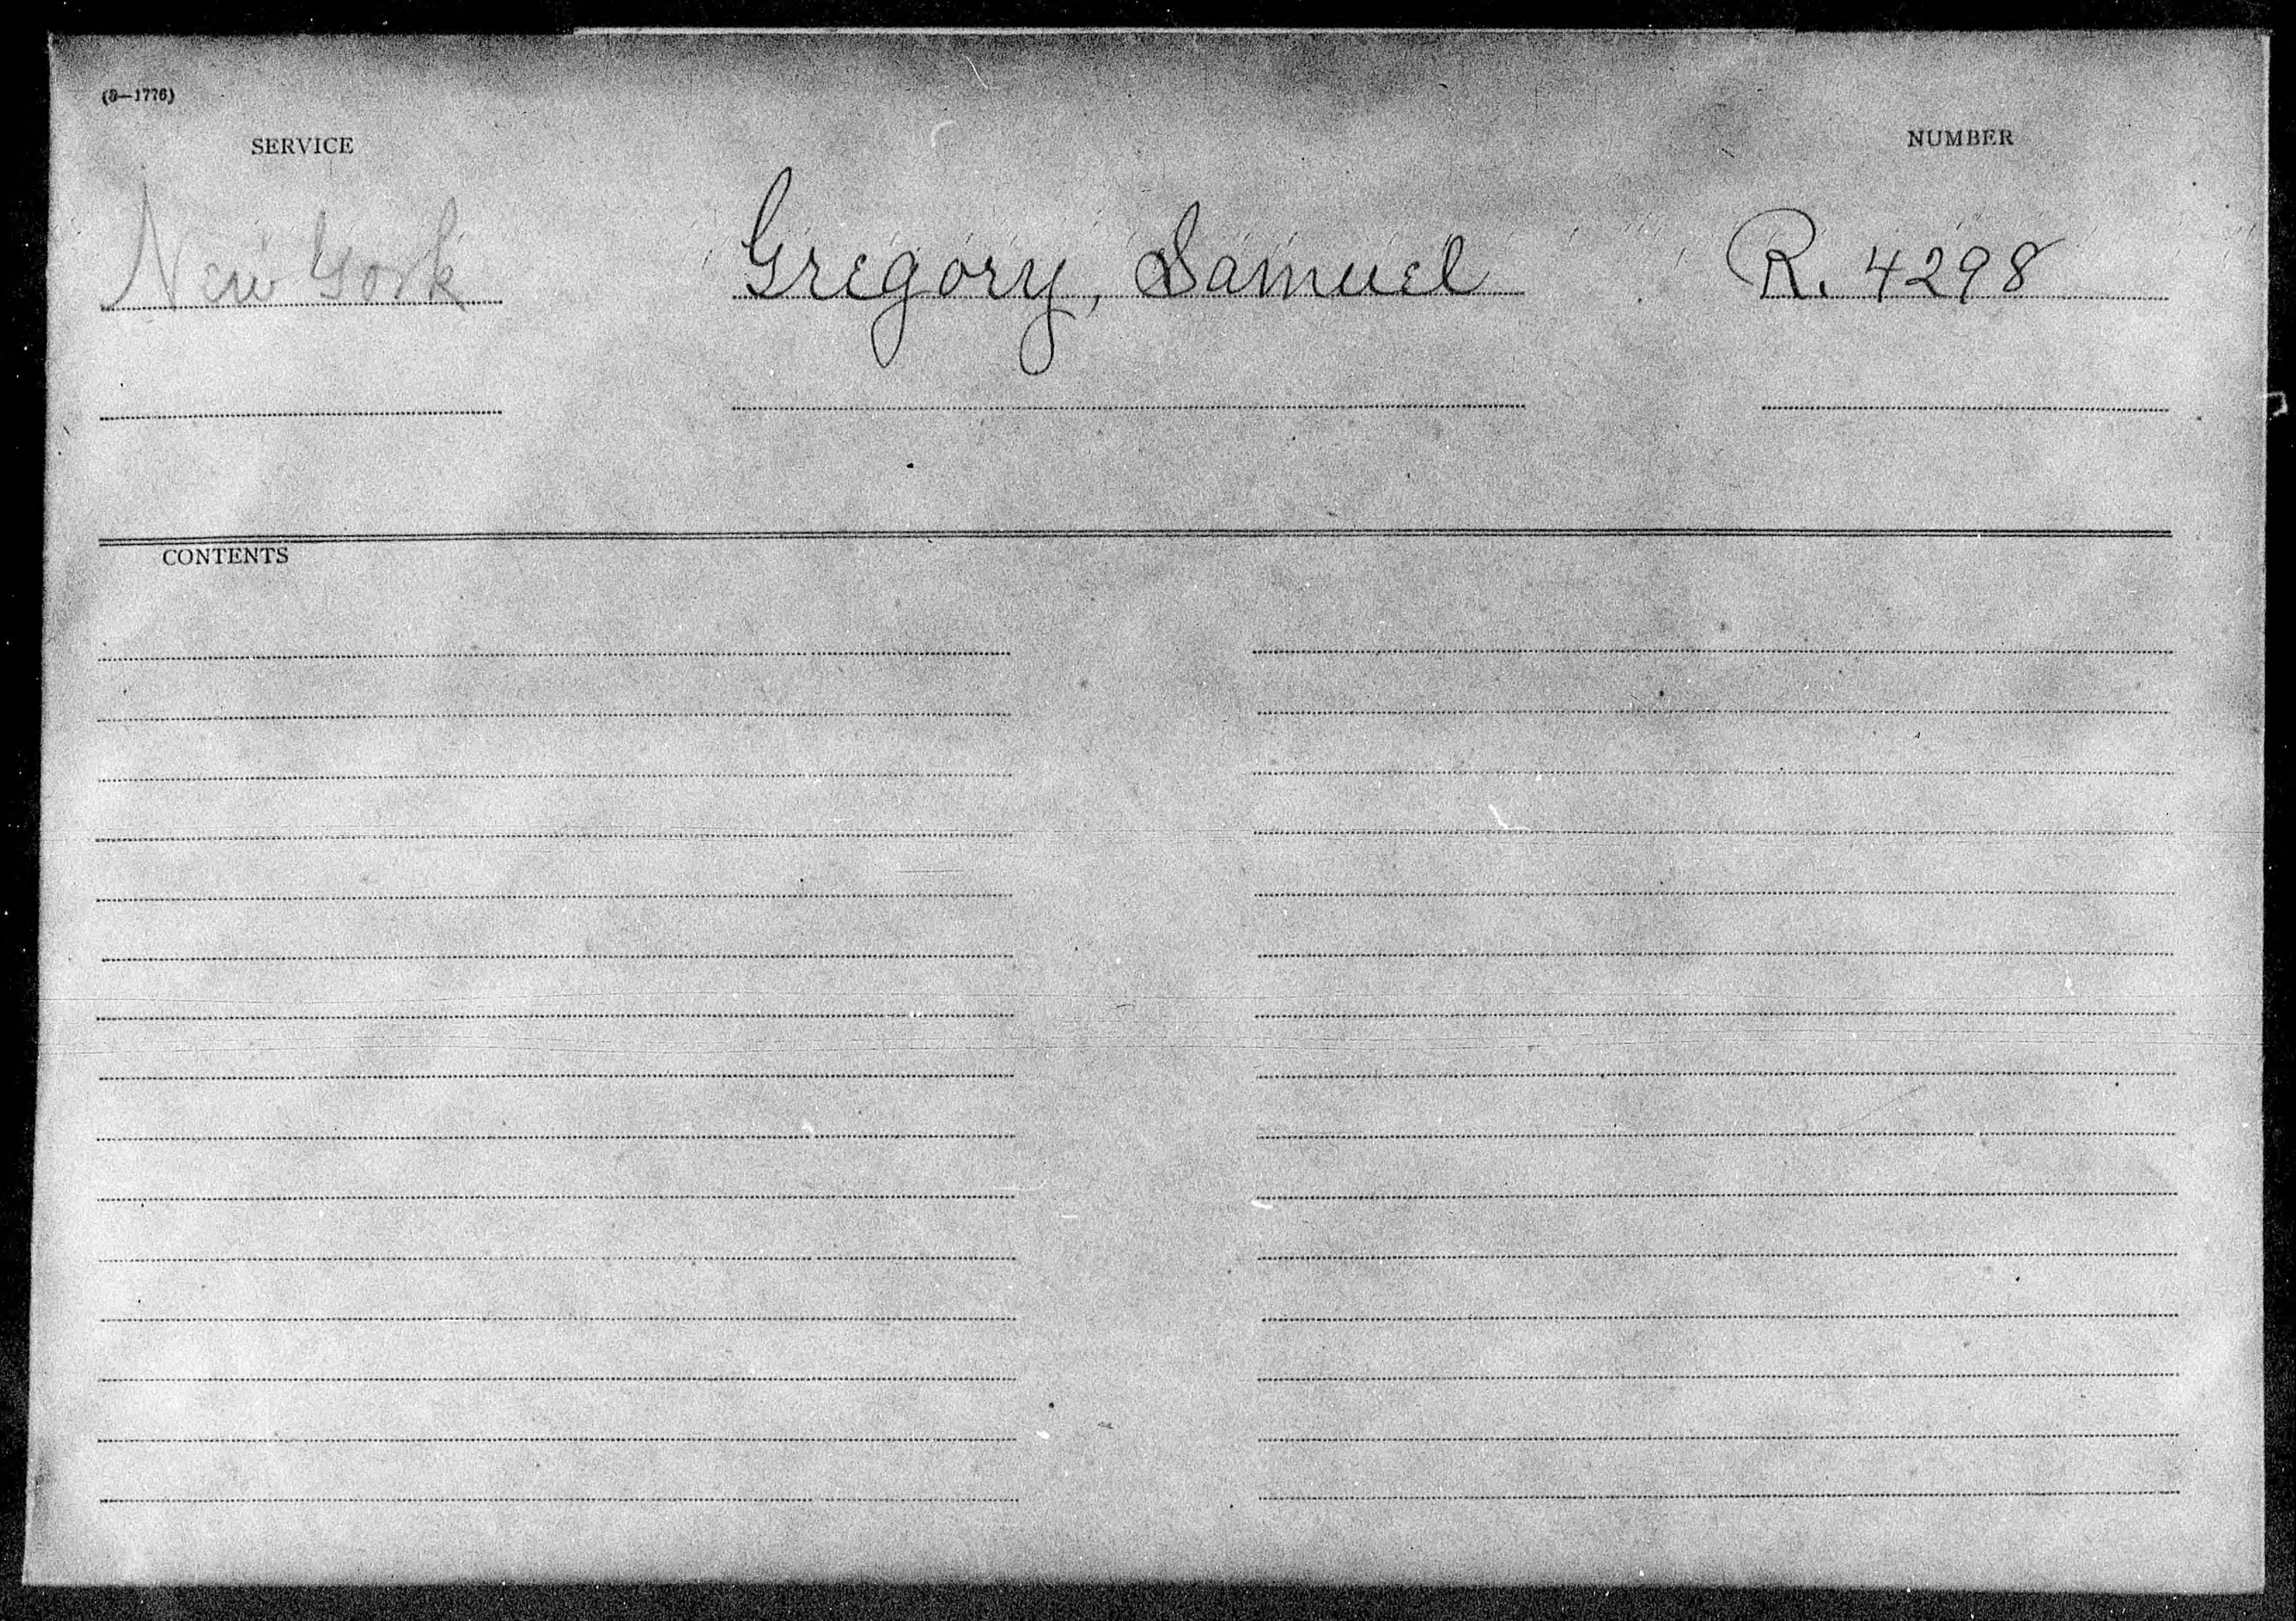(3-1776)

SERVICE  New York   Gregory Samuel  NUMBER R.4298

CONTENTS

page: 1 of 66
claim: rejected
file: R. 4298, Samuel Gregory, New York